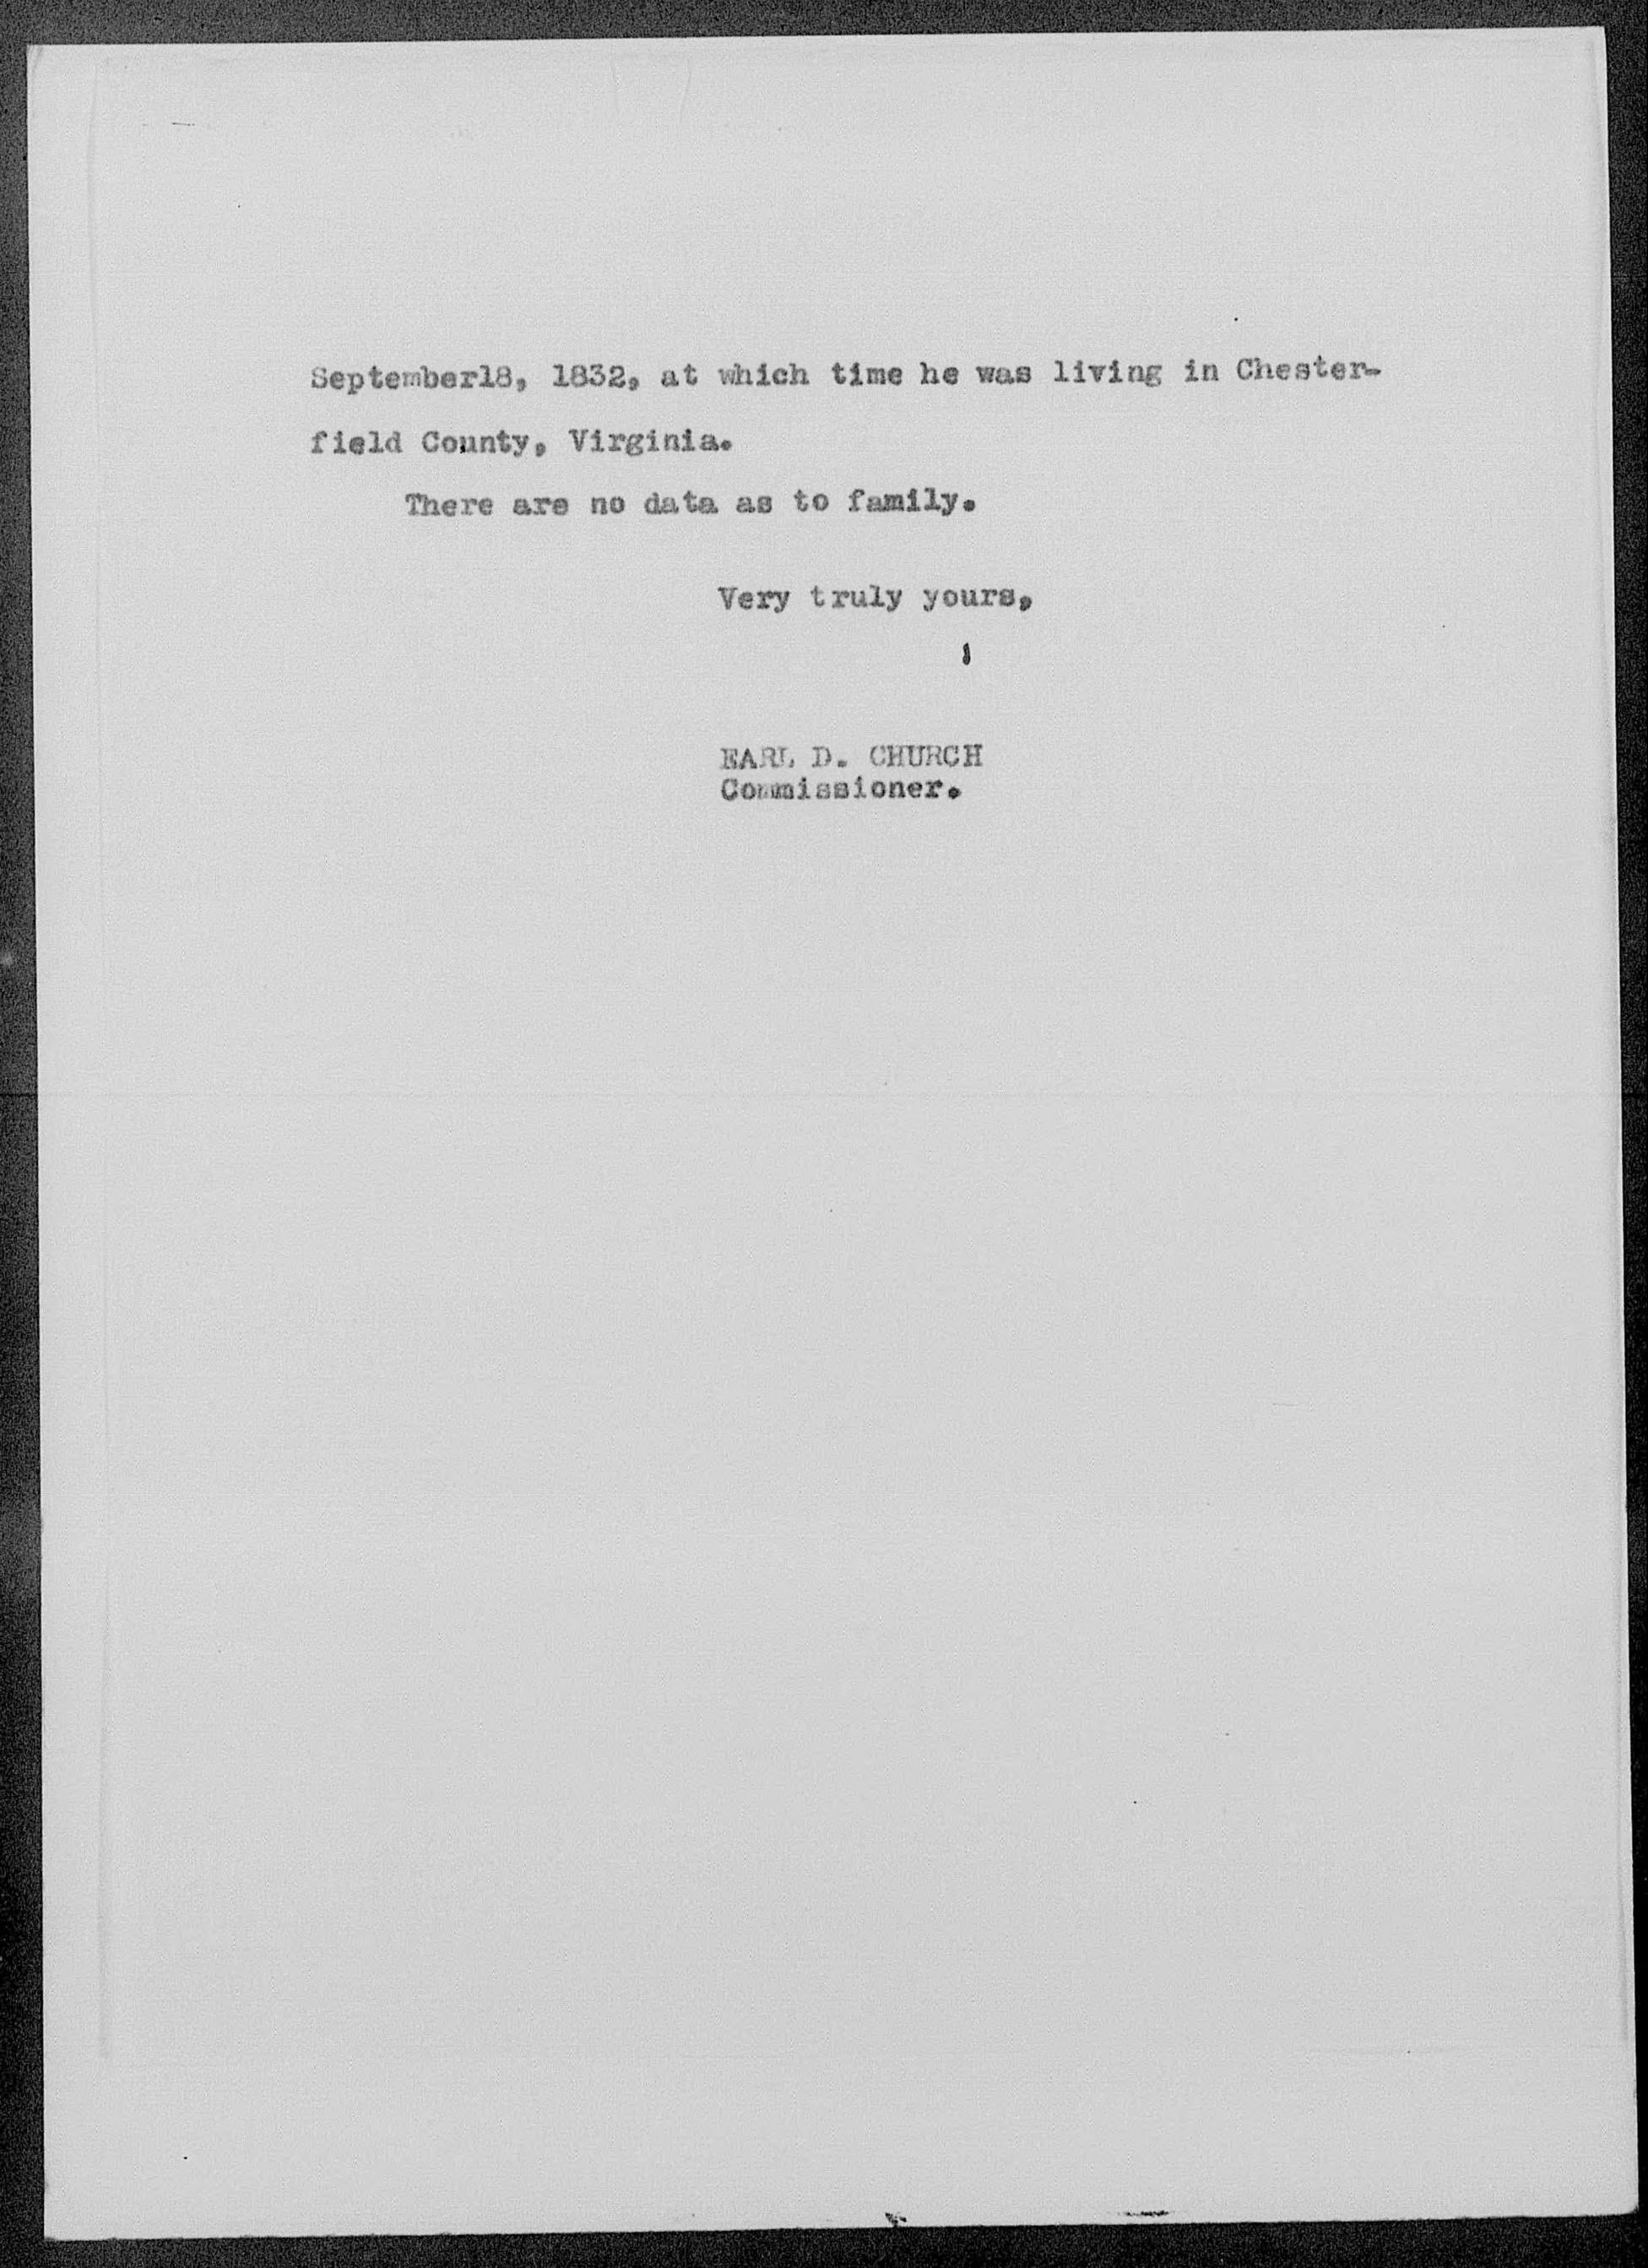September 18, 1832, at which time he was living in Chesterfield County, Virginia.
     There are no data as to family.

           Very truly yours,


           EARL D. CHURCH
           Commission.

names: Earl D Church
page: 7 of 18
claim: survivor's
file: S. 9096, Benjamin Barnard, Va.